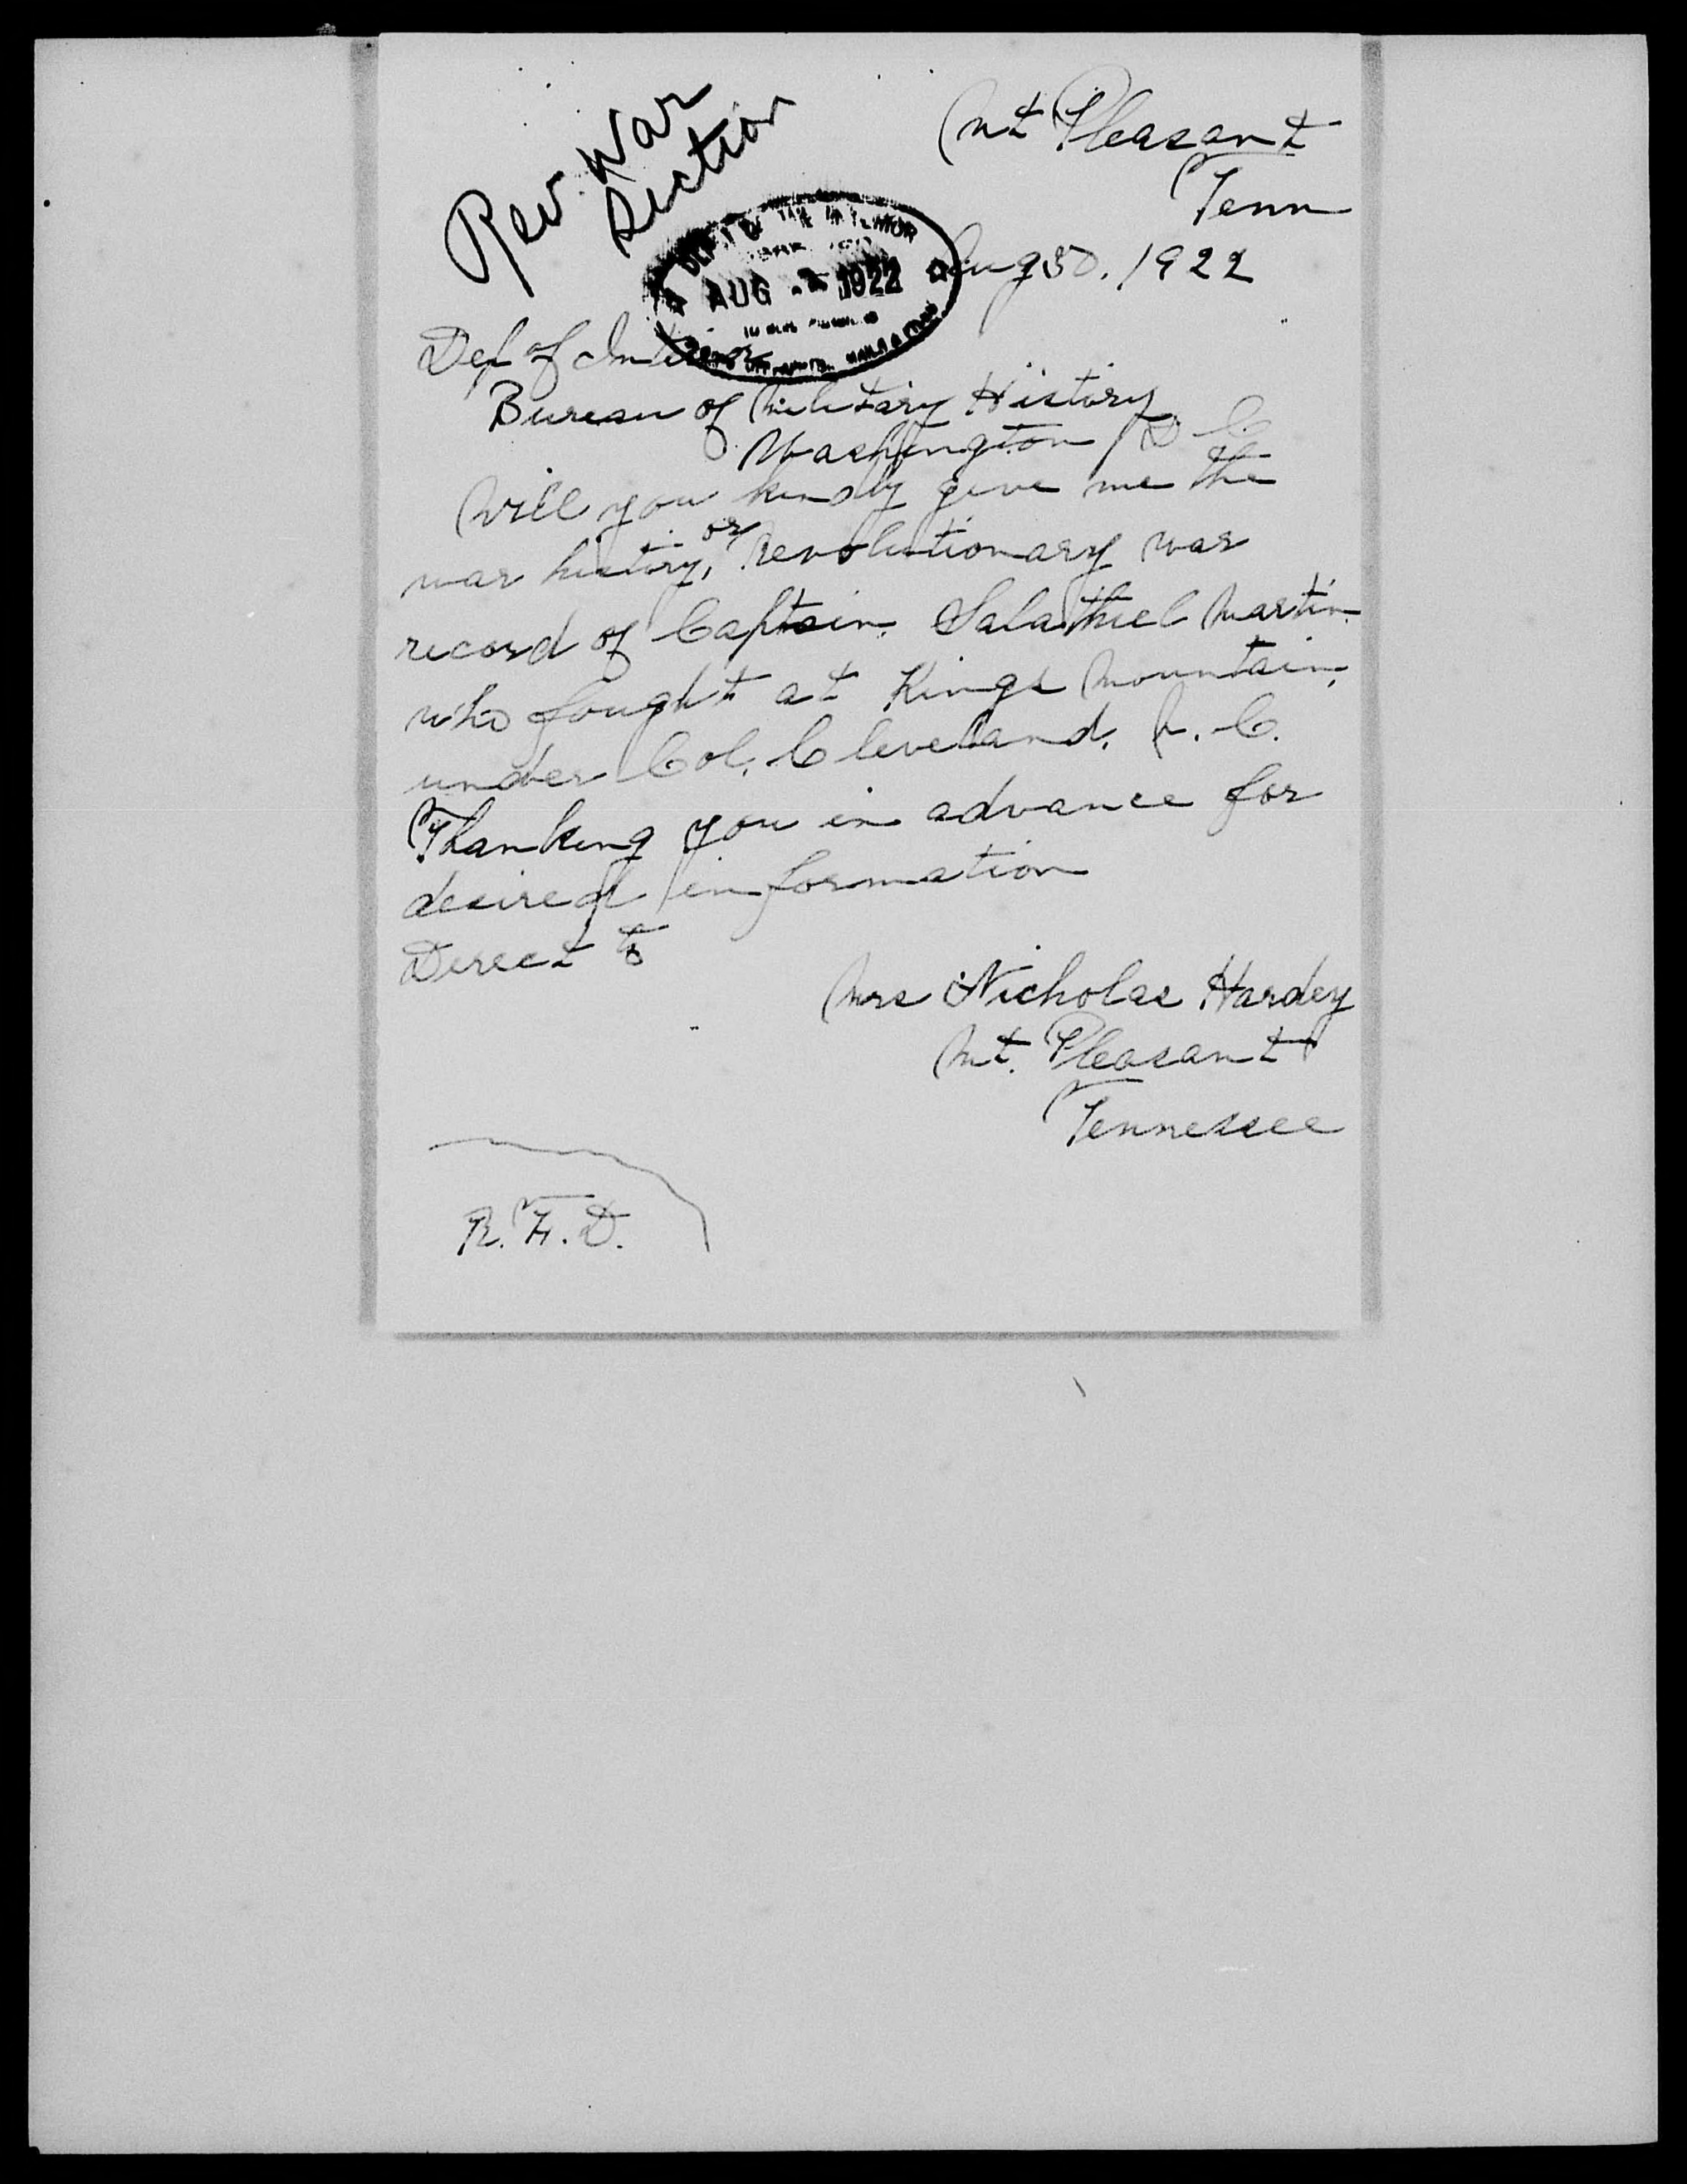Rev. war
section

Mt. Pleasant
Tenn
Aug [illegible].1922

[date stamp]
DEPT OF THE INTERIOR
AUG [illegible] 1922
[illegible]

Dep of Interior
Bureau of Military History
Washington D C
Will you kindly give me the
war history or revolutionary war
record of Captain Salathiel Martin
who fought at Kings Mountain
under Col. Cleveland N. C.
Thanking you in advance for
desired information
Direct to
Mrs. Nicholas Hardey
Mt. Pleasant
Tennessee
R.F.D.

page: 32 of 120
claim: widow's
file: W. 1044, for Salathiel Martin, North Carolina